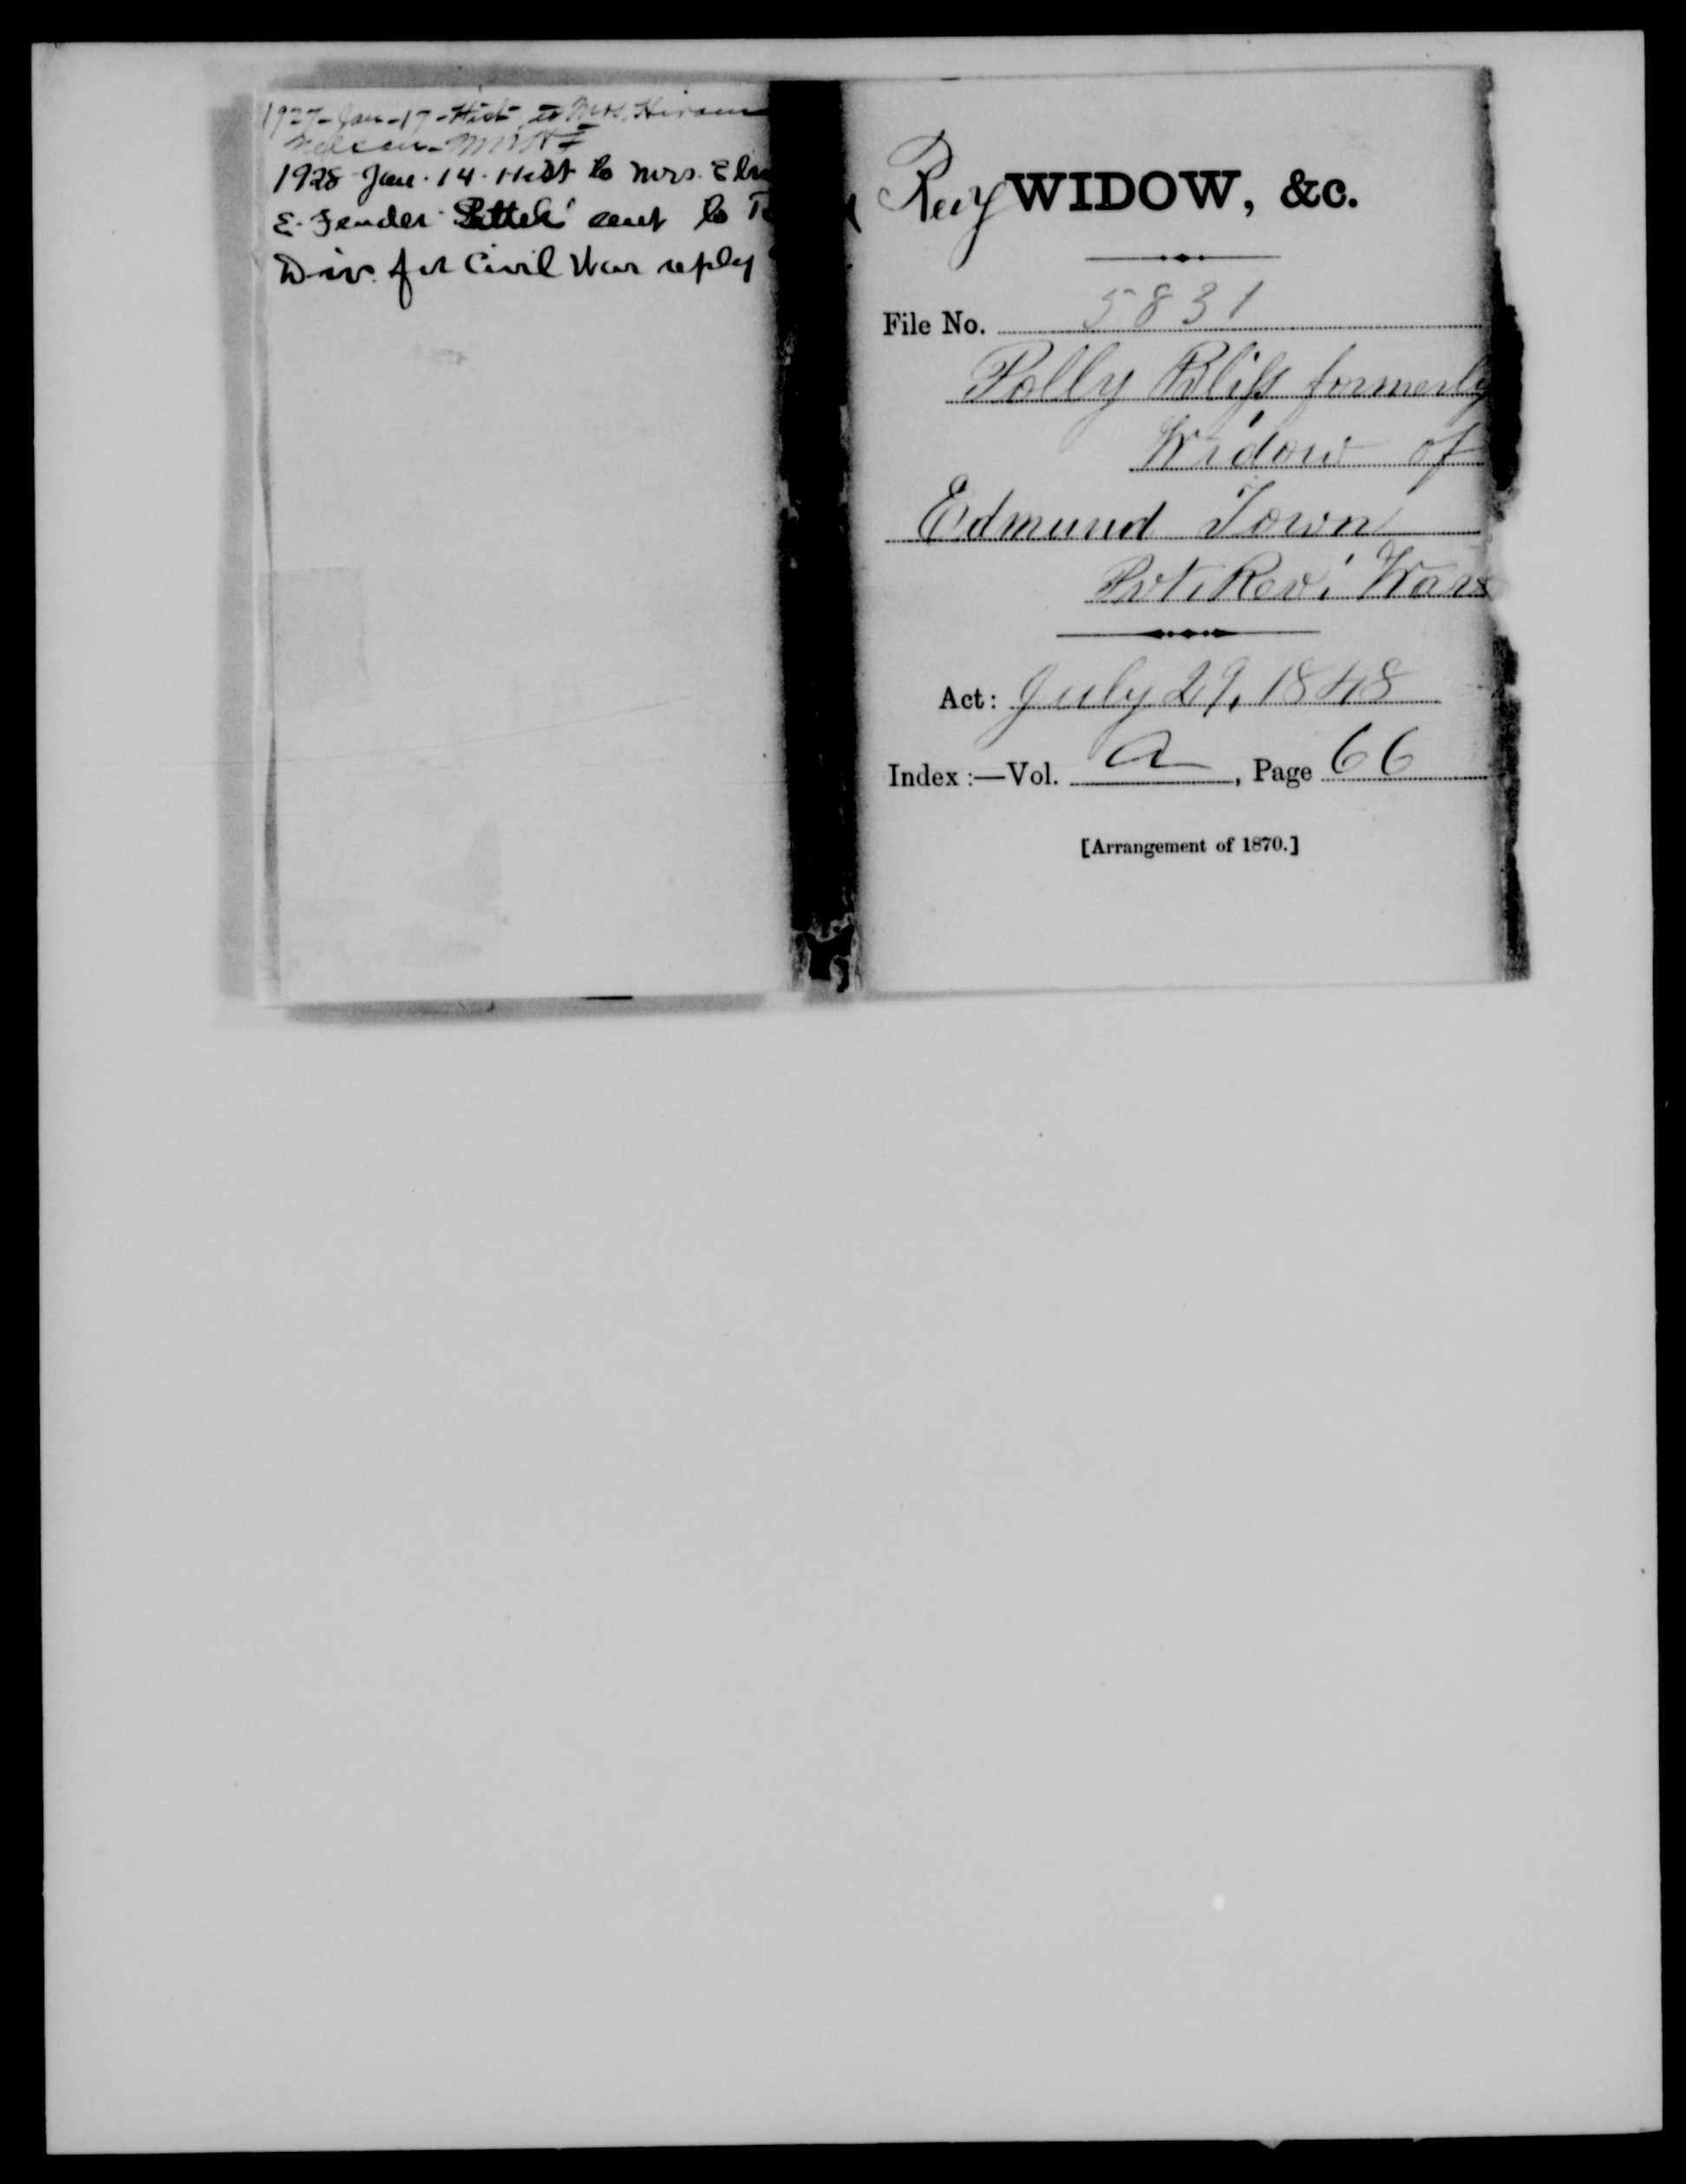Revy WIDOW, &C.

File No. 5831
Polly Bliss formerly widow of Edmund town
Pvt. Reb. Wars.
Act: July 29, 1848
Index: Vol. A, Page 66

[Arrangement of 1870]

1927 Jan. 17-Hist to Mrs.. Hiram Nelson MMHF
1928 June 14-Hist. to Mrs. Elmer E. Fender-Letter sent to (smudged) Div. for Civil War reply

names: Polly Bliss, Hiram Nelson, Elmer E Fender, Edmund Town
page: 23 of 64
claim: widow's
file: W. 5831, Edmund Town, Mass.